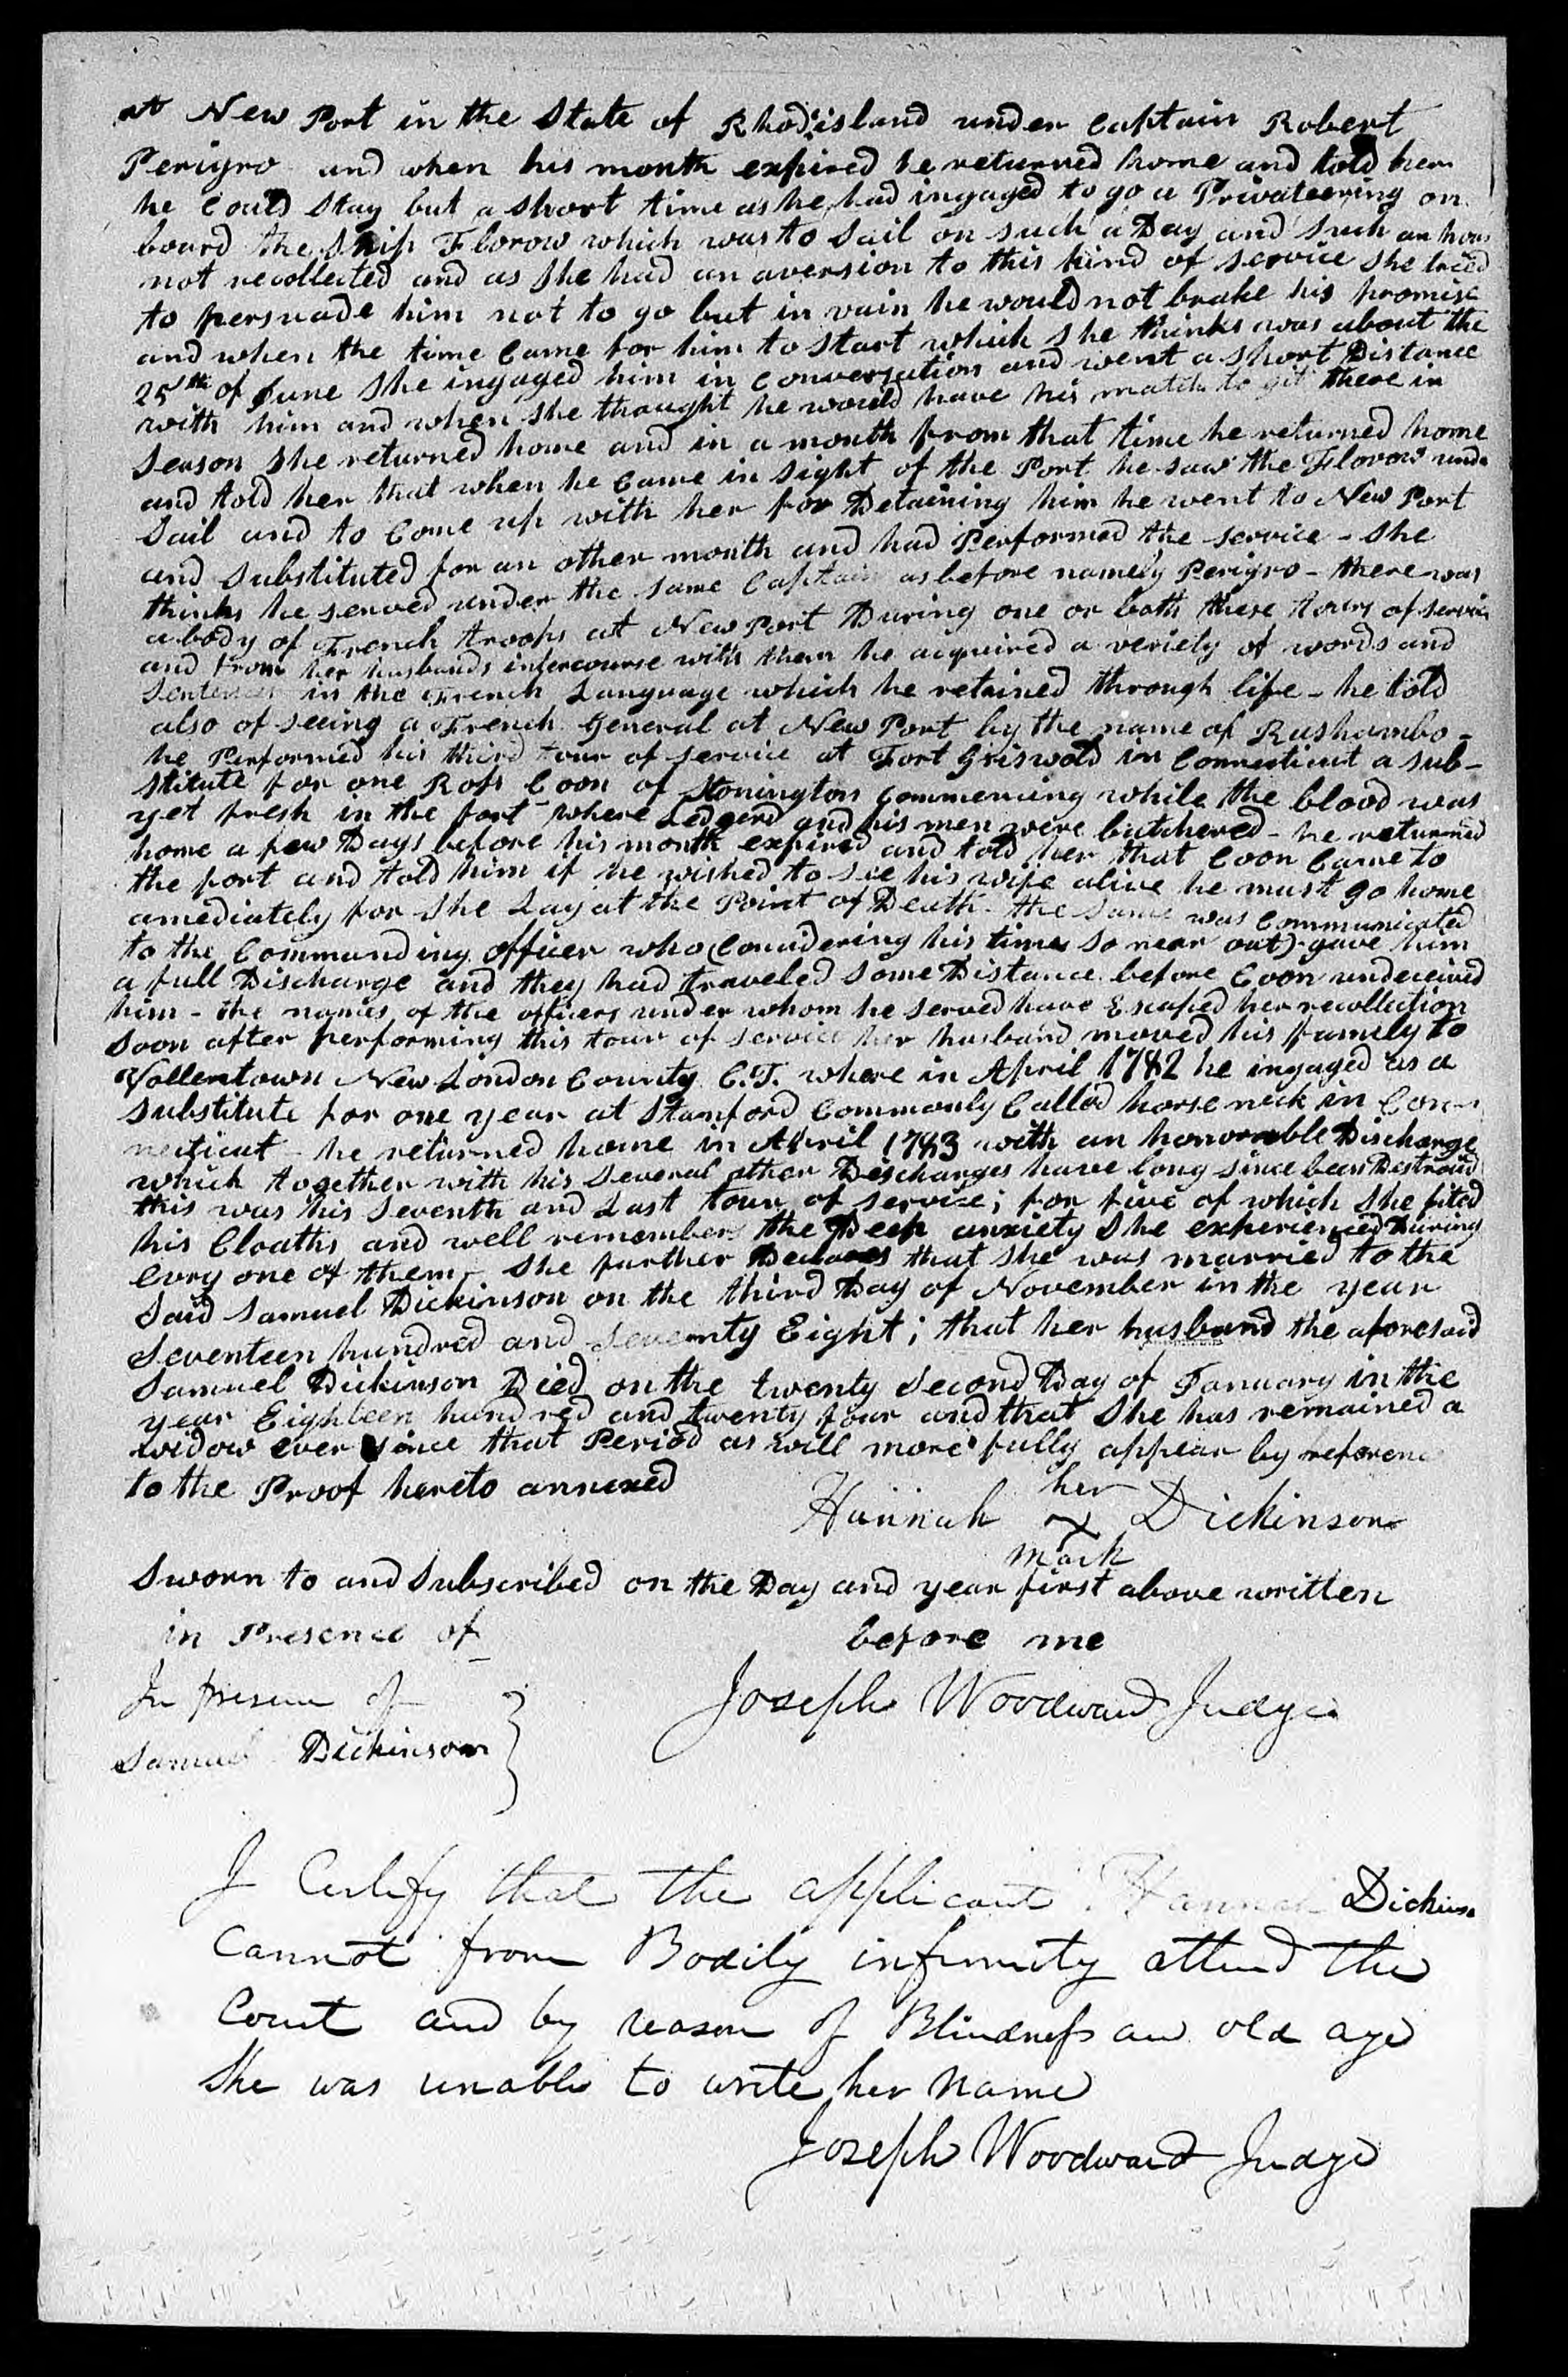at New Port in the state of Rhode Island under Captain Robert
Perigro and when his month expired he returned home and told him
he could stay but a short time as he had ingaged to go in Privateering on
board the Ship Flovow which was to sail on such a day and such an [hour]
not recollected and as she had an aversion to this kind of service she had
to persuade him not to go but in vain he would not brake his promise
and when the time came for him to start which she thinks was about the
25th of June she ingages him in conversation and went a short distance
with him and when she thought he would have his match to get there in
season she returned home and in a month from that time he returned home
and told her that when he came in sight of the Port he saw the Flovow made
sail and to come up with her for detaining him he went to New Port
and substituted for an other month and had performed the service. She
thinks he served under the same Captain as before namely Perigro. There was
a body of French troops at New Port during one or both these [] of service
and from her husband's intercourse with...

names: Samuel Dickinson, Joseph Woodward, Robert Perigro, Samuel Dickinson, Joseph Woodward, Hannah Dickinson, Samuel Dickinson, Hannah Dickinson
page: 12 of 60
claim: widow's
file: W 16,955, Samuel Dickinson, Conn.